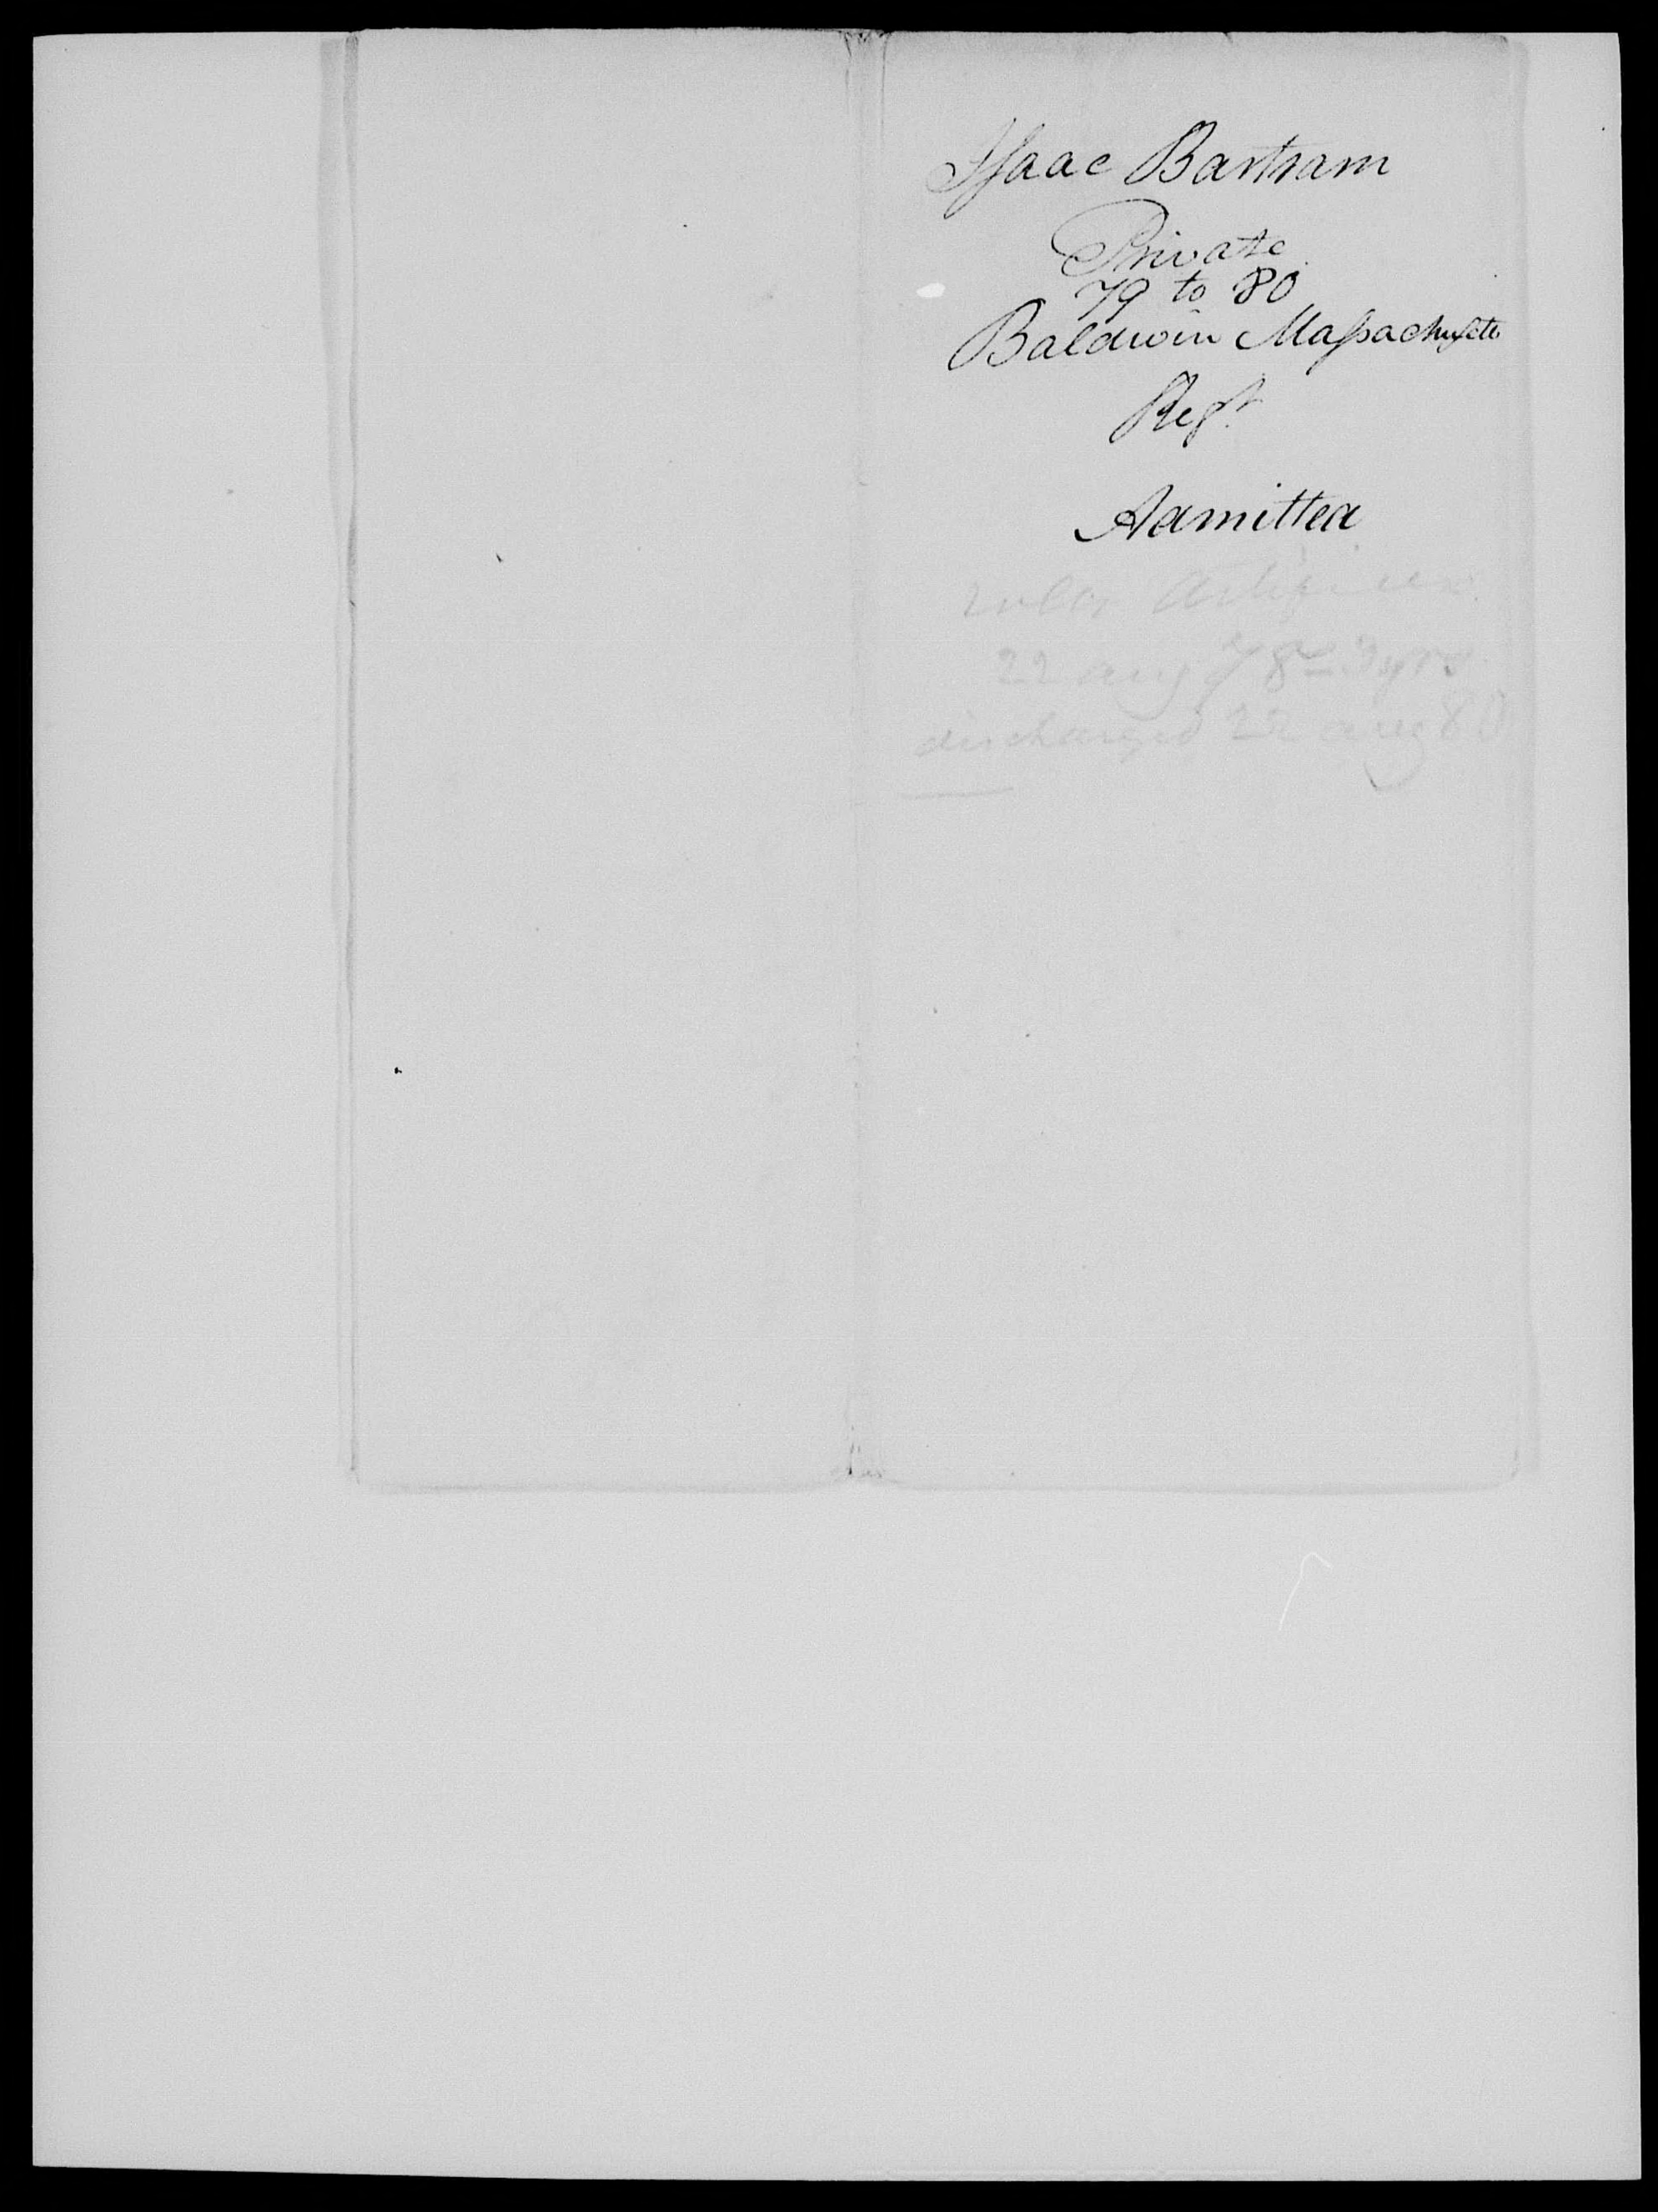Isaac Bartram
Private
79 to 80
Baldwin Massachusett
Regt
Admitted
[illegible] Artificer
22 Aug 78 3 yrs
discharged 22 Aug 80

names: Isaac Bartram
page: 3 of 39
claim: survivor's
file: S. 12110, Isaac Bartram, Continental (Conn)